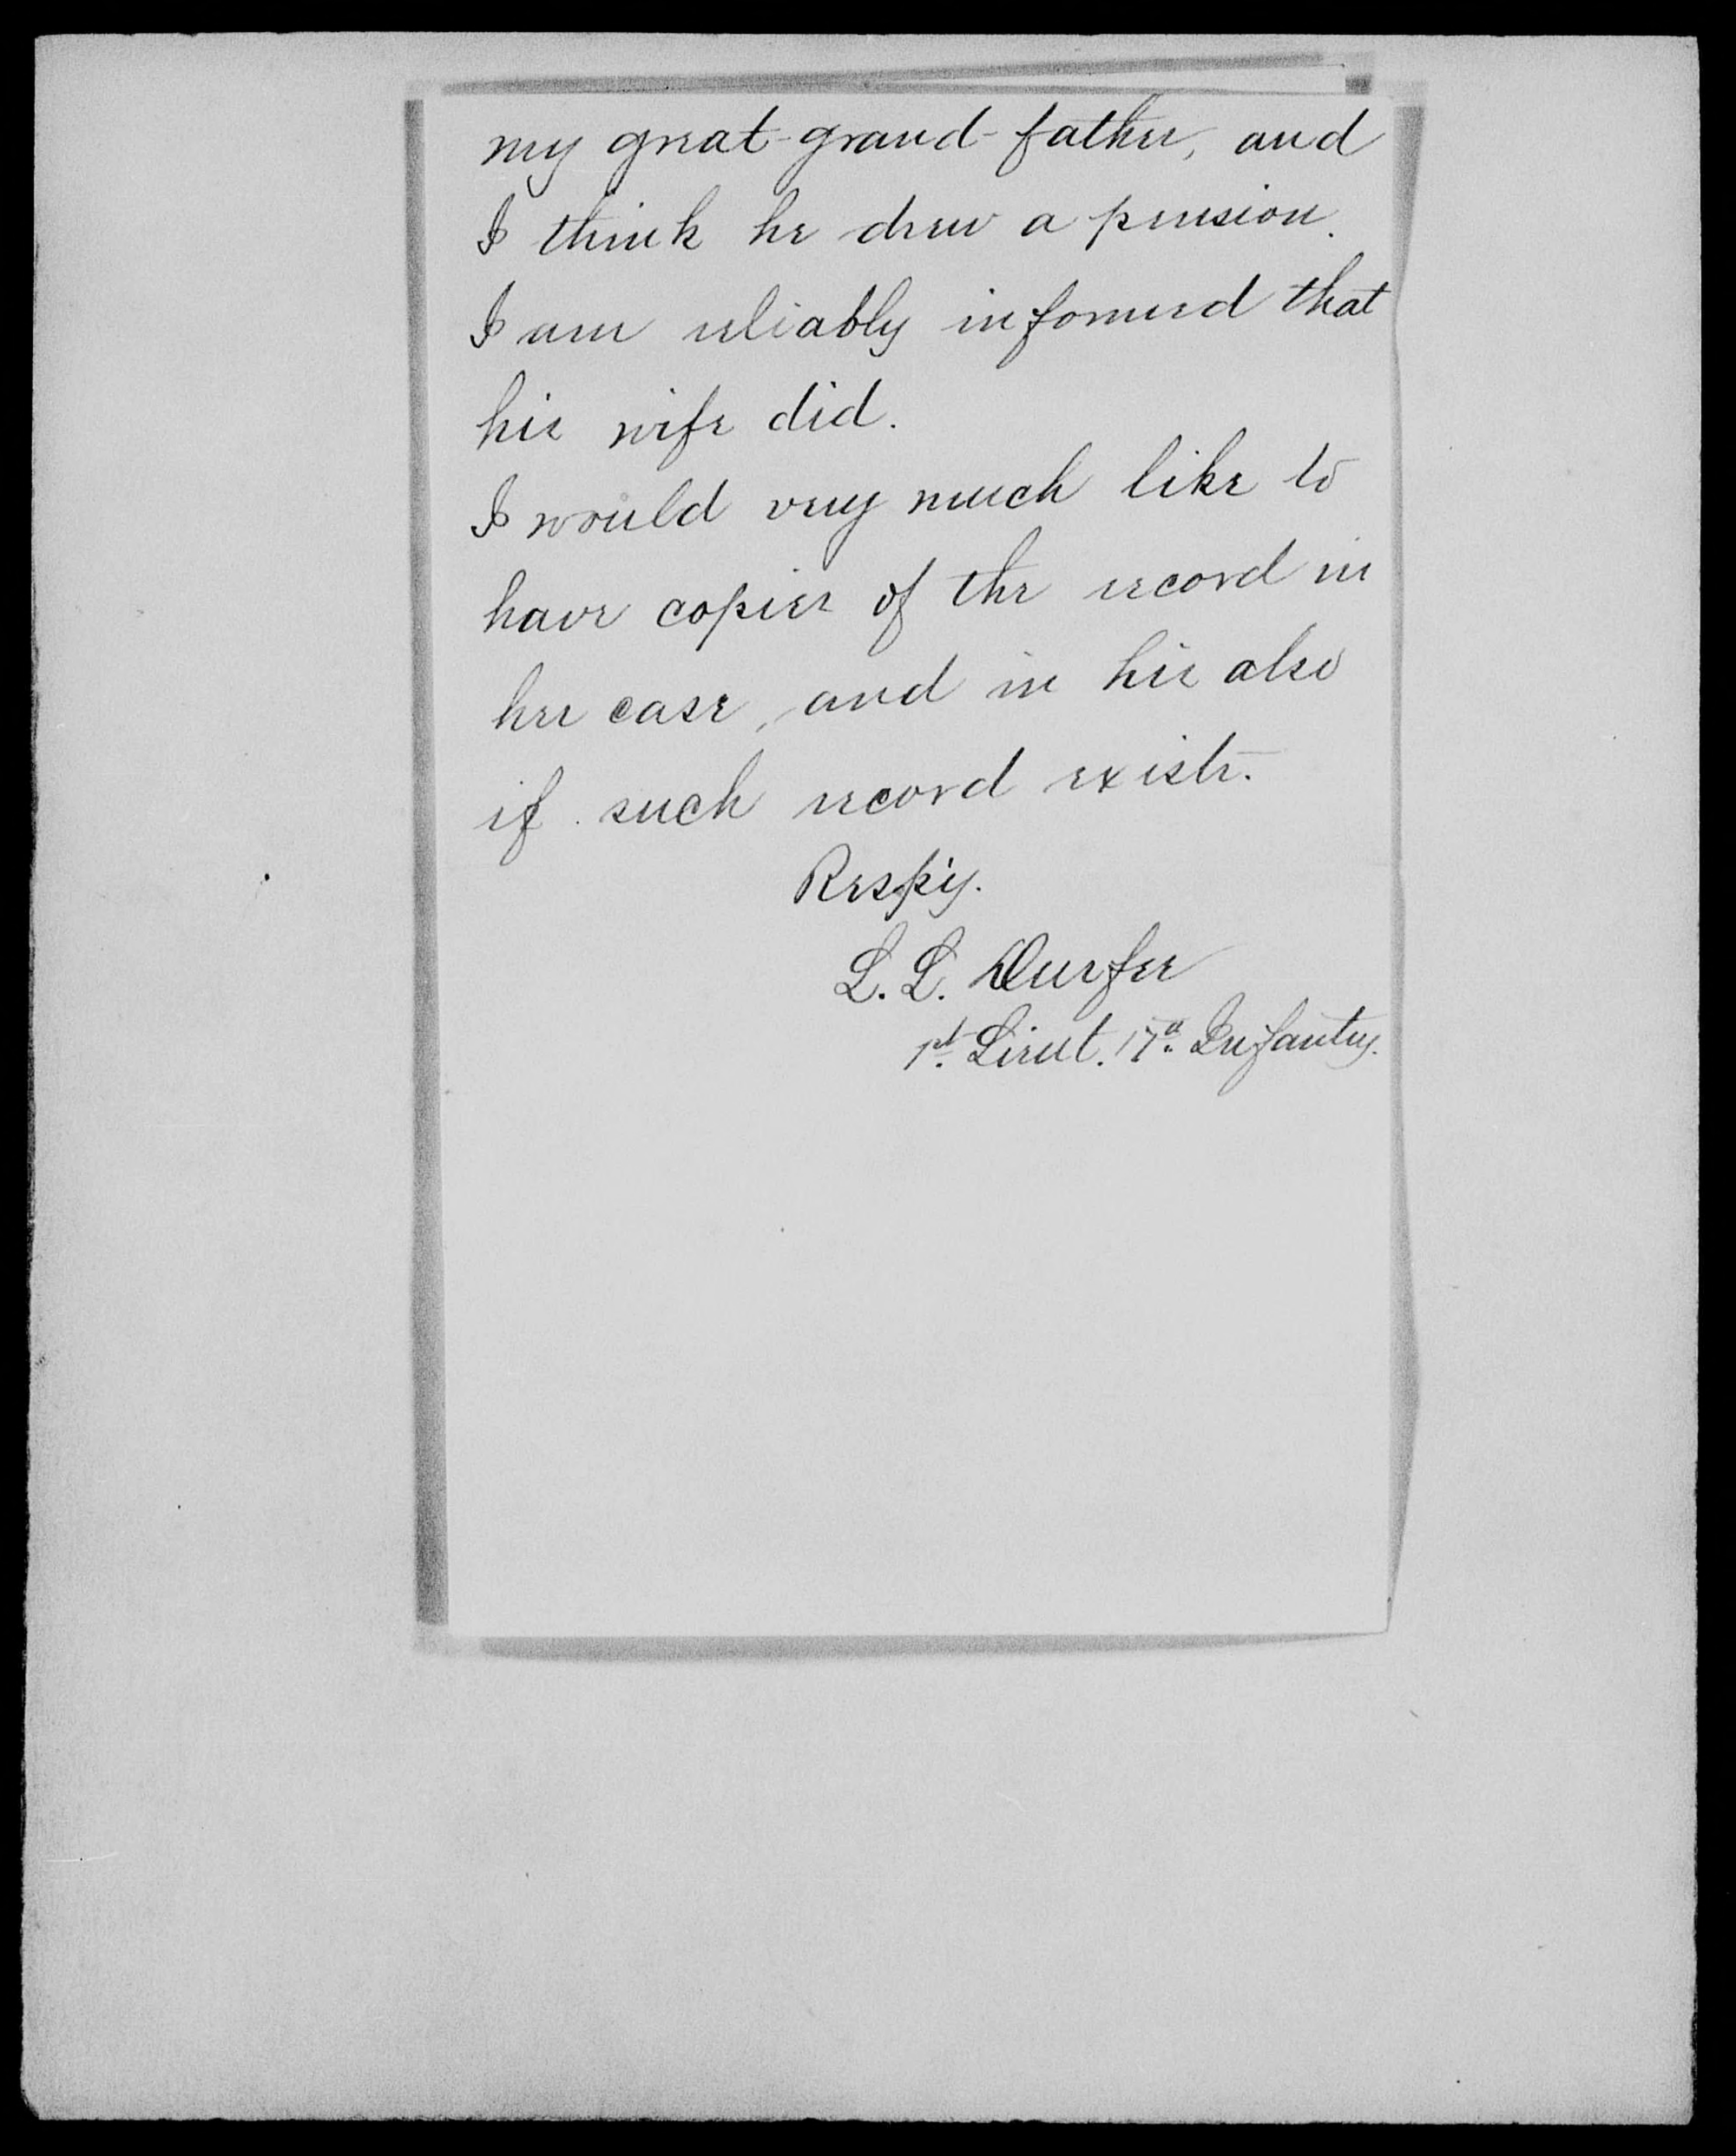my great grandfather, and I think he drew a pension.  I am reliably informed that  his wife did. I would very much like to have copies of the record in er case and in his also if such record exists.
Respy
L. L. Durfee
1st Lieut. 17th Infantry.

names: L L Durfee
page: 137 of 144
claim: rejected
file: R. 5208, Dennis Hopkins, N.C.